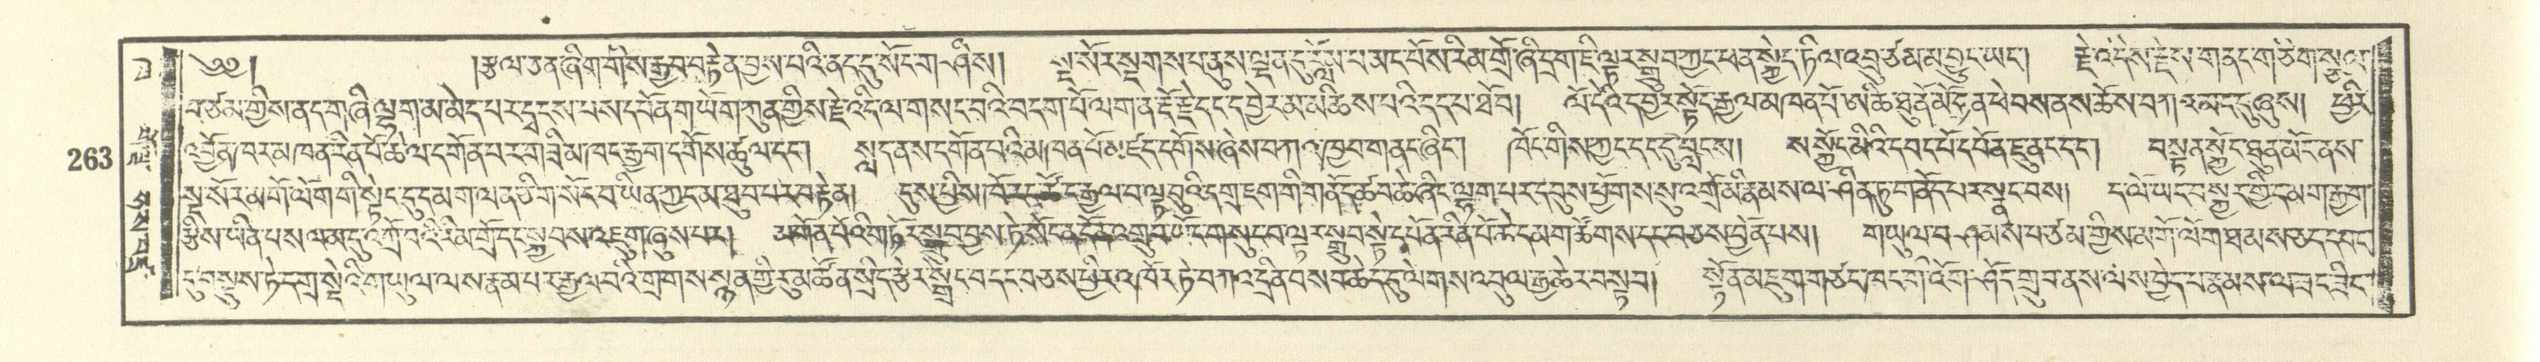༄༅། །རྩལ་ཅན་ཞིག་གིས་རྒྱབ་བརྟེན་བྱས་པའི་ནང་དུ་སོང་གཤིས། སྔ་སོར་སྔགས་པ་ནུས་ལྡན་དུ་རློམ་པ་མང་པོས་རིམ་གྲོ་ཞི་དྲག་ཇི་ལྟར་སྒྲུབ་ཀྱང་ཕན་སྐྱེད་ཏིལ་འབྲུ་ཙམ་མ་བྱུང་ཡང་། རྗེ་འདིས་རྗེས་གནང་གཅིག་སྩལ་
པ་ཙམ་གྱིས་ནད་གཞི་ལྷག་མ་མེད་པར་དྭངས་པས་དཔོན་གཡོག་ཀུན་གྱིས་རྗེ་འདི་ལ་གསང་བའི་བདག་པོ་ལག་ན་རྡོ་རྗེ་དང་དབྱེར་མ་མཆིས་པའི་དད་པ་ཐོབ། ལོ་དེའི་དབྱར་སྟོད་རྒྱལ་མཁན་པོ་ཨ་ཆི་ཐུ་ནོ་མོ་ཧན་ཕེབས་ནས་ཆོས་བཀའ་མང་དུ་ཞུས། ཕྱིར་
འབྱོན་ཁར་མཁན་རིན་པོ་ཆེ་ལ་དགོན་པར་གཟིམ་ཁང་རྒྱག་དགོས་ཚུལ་དང་། སླད་ནས་དགོན་པའི་མཁན་པོ་མཛད་དགོས་ཞེས་བཀའ་ཁྱབ་གནང་ཞིང་། ཁོང་གིས་ཀྱང་དང་དུ་བླངས། ས་སྐྱོང་མིའི་དབང་པོ་དཔོན་ཇུ་ནང་དང་། བསྟན་སྐྱོང་ཐུན་མོང་ནས་
སྔ་སོར་མགོ་ལོག་གི་སྟེང་དུ་དམག་ལན་ཅིག་སོང་བ་ཡིན་ཀྱང་མ་ཐུབ་པར་བརྟེན། དུས་ཕྱིས་ཁོ་རང་ཚོ་ང་རྒྱལ་བ་ལྟ་བུའི་དགྲ་ཇག་གི་གནོད་ཚབ་ཆེ་ཞིང་ལྷག་པར་དབུས་ཕྱོགས་སུ་འགྲོ་མི་རྣམས་ལ་ཤིན་ཏུ་གནོད་པར་སྣང་བས། ད་ལོ་ཡང་བསྐྱར་གྱི་དམག་རྒྱག་
རྩིས་ཡིན་པས་ལམ་དུ་འགྲོ་བའི་རིམ་གྲོ་དང་སྐྱབས་འཇུག་ཞུས་པར། མགོན་པོའི་གཏོར་སྒྲུབ་བྱས་ཏེ་སོང་ན་དོན་འགྲུབ་ཡོང་གསུང་བ་ལྟར་སྒྲུབ་སྟེ་དཔོན་རིན་པོ་ཆེ་དམག་ཚོགས་དང་བཅས་བྱོན་པས། གཡུལ་བཤམས་པ་ཙམ་གྱིས་མགོ་ལོག་ཐམས་ཅད་དབང་
དུ་བསྡུས་ཏེ་དགྲ་སྡེའི་གཡུལ་ལས་རྣམ་པར་རྒྱལ་བའི་གྲགས་སྙན་གྱི་རུ་མཚོན་སྲིད་རྩེར་སྒྲེང་བ་དང་བཅས་ཕྱིར་འཁོར་ཏེ་བཀའ་དྲིན་བསབ་ཆེད་དུ་ལེགས་འབུལ་རྒྱ་ཆེར་བསྟབ། སྟོན་མཇུག་གཙང་ཁང་གི་འོག་ཤོད་གྲུབ་ནས་ལས་བྱེད་པ་རྣམས་ལ་ཟང་ཟིང་